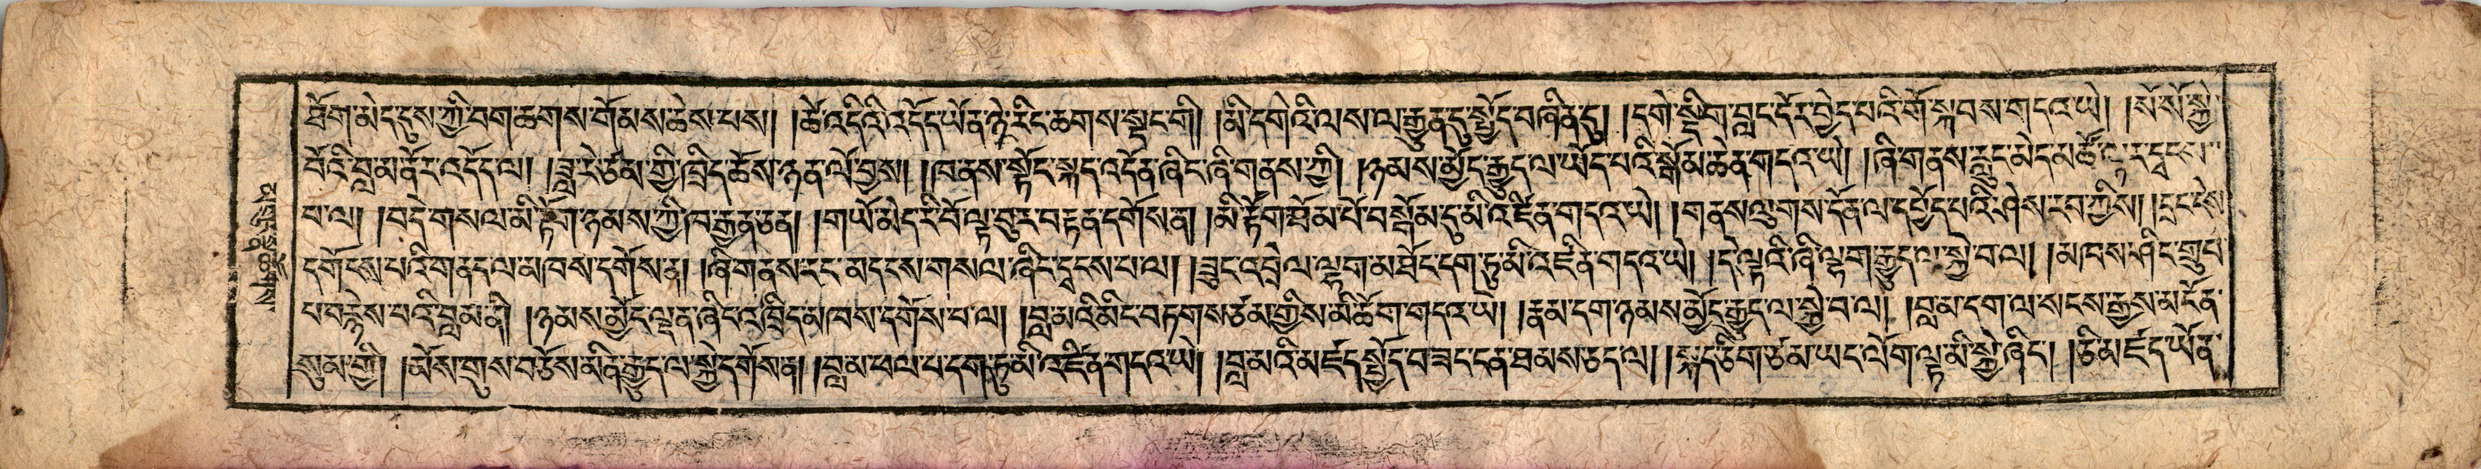ཐོག་མེད་དུས་ཀྱི་བག་ཆགས་གོམས་ཆེས་པས། །ཚེ་འདིའི་འདོད་ཡོན་ཉེ་རིང་ཆགས་སྡང་གི། །མི་དགེའི་ལས་ལ་རྒྱུན་དུ་སྤྱོད་བཞིན་དུ། །དགེ་སྡིག་བླང་དོར་བྱེད་པའི་གོ་སྐབས་གདའ་ཡེ། །སོ་སོ་སྐྱེ་
བོའི་བླ་མ་ནོར་འདོད་ལ། །ཟླ་རེ་ཙམ་གྱི་ཁྲིད་ཆོས་ཉན་ལོ་བྱས། །ཁ་ནས་སྟོང་སྐད་འདོན་ཞིང་ཞི་གནས་ཀྱི། །ཉམས་མྱོང་རྒྱུད་ལ་ཡོད་པའི་སྒོམ་ཆེན་གདའ་ཡེ། །ཞི་གནས་རླུང་མེད་མཚོ་ལྟར་དྭངས་
པ་ལ། །བདེ་གསལ་མི་རྟོག་ཉམས་ཀྱི་ཁ་རྒྱན་ཅན། །གཡོ་མེད་རི་བོ་ལ་བུར་བརྟན་དགོས་ན། །མི་རྟོག་ཐོམ་པོ་བསྒོམ་དུ་མི་འཛིན་གདའ་ཡེ། །གནས་ལུགས་དོན་ལ་དཔྱོད་པའི་ཤེས་རབ་ཀྱིས། །དྲང་ངེས་
དགོངས་པའི་གནང་ལ་མཁས་དགོས་ན། །ཞི་གནས་རང་མདངས་གསལ་ཞིང་དྭངས་པ་ལ། །ཟུང་འབྲེལ་ལྷག་མཐོང་དག་ཏུ་མི་འཛིན་གདའ་ཡེ། །དེ་ལྟའི་ཞི་ལྷག་རྒྱུད་ལ་སྐྱེ་བ་ལ། །མཁས་ཤིང་གྲུབ་
པ་བརྙེས་པའི་བླ་མ་ནི། །ཉམས་མྱོང་ལྡན་ཞིང་འཁྲིད་མཁས་དགོས་པ་ལ། །བླ་མའི་མིང་བཏགས་ཙམ་གྱིས་མི་ཆོག་གདའ་ཡེ། །རྣམ་དག་ཉམས་མྱོད་རྒྱུད་ལ་སྐྱེ་བ་ལ། །བླ་མ་དག་ལ་སངས་རྒྱས་མངོན་
སུམ་གྱི། །མོས་གུས་བཅོས་མིན་རྒྱུད་ལ་སྐྱེ་དགོས་ན། །བླ་མ་ཕལ་པ་དག་ཏུ་མ་འཛིན་གདའ་ཡེ། །བླ་མའི་མཛད་སྤྱོད་བཟང་ངན་ཐམས་ཅད་ལ། །སྐད་ཅིག་ཙམ་ཡང་ལོག་ལྟ་མི་སྐྱེ་ཞིང་། །ཅི་མཛད་ཡོན་